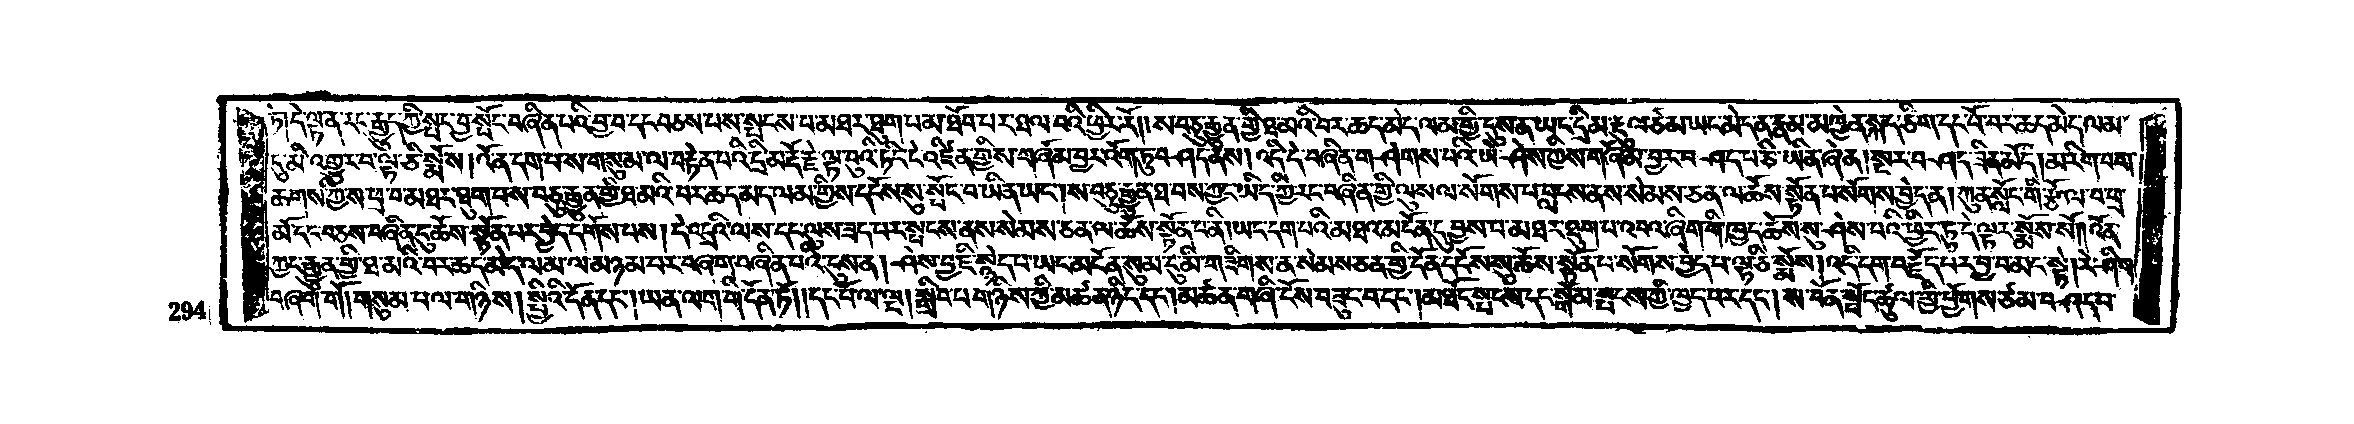ཏེ༑ དེ་ལྟ་ན་རང་རྒྱུད་ཀྱི་སྤང་བྱ་སྤོང་བཞིན་པའི་བྱ་བ་དང་བཅས་པས་སྤངས་པ་མཐར་ཐུག་པ་མ་ཐོབ་པར་ཐལ་བའི་ཕྱིར་རོ། །ས་བཅུ་རྒྱུན་གྱི་ཐ་མའི་བར་ཆད་མེད་ལམ་གྱི་དུས་ན་ཡང་དྲི་མ་རྡུལ་ཙམ་ཡང་མེད་ན་རྣམ་མཁྱེན་སྐད་ཅིག་དང་པོ་བར་ཆད་མེད་ལམ་
དུ་མི་འགྱུར་བ་ལྟ་ཅི་སྨོས། འོ་ན་དག་པ་ས་གསུམ་ལ་བརྟེན་པའི་དྲི་མ་རྡོ་རྗེ་ལྟ་བུའི་ཏིང་ངེ་འཛིན་གྱིས་གཞོམ་བྱར་འོག་ཏུ་བཤད་ནས། འདི་དེ་བཞིན་གཤེགས་པའི་ཡེ་ཤེས་ཀྱིས་གཞོམ་བྱར་བཤད་པ་ཅི་ཡིན་ཞེ་ན། སྔར་བཤད་ཟིན་མོད། མ་རིག་བག་
ཆགས་ཀྱི་ས་ཕྲ་བ་མཐར་ཐུག་པས་བཅུ་རྒྱུན་གྱི་ཐ་མའི་བར་ཆད་མེད་ལམ་གྱིས་དངོས་སུ་སྤོང་བ་ཡིན་ཡང་། ས་བཅུ་རྒྱུན་ཐ་བས་ཀྱང་ཡིད་ཀྱི་རང་བཞིན་གྱི་ལུས་ལ་སོགས་པ་བླངས་ནས་སེམས་ཅན་ལ་ཆོས་སྟོན་པ་སོགས་བྱེད་ན། ཀུན་སློང་གི་རྩོལ་བ་ཕྲ་
མོ་དང་བཅས་བཞིན་དུ་ཆོས་སྟོན་པར་བྱེད་དགོས་པས། དེ་འདྲའི་ལས་དང་ལུས་ཟད་པར་སྤངས་ནས་སེམས་ཅན་ལ་ཆོས་སྟོན་པ་ནི། ཡང་དག་པའི་མཐའ་མངོན་དུ་བྱས་པ་མཐར་ཐུག་པ་འབའ་ཞིག་གི་ཁྱད་ཆོས་སུ་ཤེས་པའི་ཕྱིར་ཏུ་དེ་ལྟར་སྨོས་སོ། །འོན་
ཀྱང་རྒྱུན་གྱི་ཐ་མའི་བར་ཆད་མེད་ལམ་ལ་མཉམ་པར་བཞག་བཞིན་པའི་དུས་ན། ཤེས་བྱ་ཇི་སྙེད་པ་ཡང་མངོན་སུམ་དུ་མི་གཟིགས་ན་སེམས་ཅན་གྱི་དོན་དངོས་སུ་ཆོས་སྟོན་པ་སོགས་བྱེད་པ་ལྟ་ཅི་སྨོས། འདི་དག་བརྗོད་པར་བྱ་བ་མང་སྟེ། རེ་ཤིག་
བཞག་གོ །གསུམ་པ་ལ་གཉིས། སྤྱིའི་དོན་དང་། ཡན་ལག་གི་དོན་ཏོ། །དང་པོ་ལ་ལྔ། སྒྲིབ་པ་གཉིས་ཀྱི་མཚན་ཉིད་དང་། མཚན་གཞི་ངོས་བཟུང་བ་དང་། མཐོང་སྤངས་དང་སྒོམ་སྤངས་ཀྱི་ཁྱད་པར་དང་། ས་བོན་སྤོང་ཚུལ་གྱི་ཕྱོགས་ཙམ་བཤད་པ་